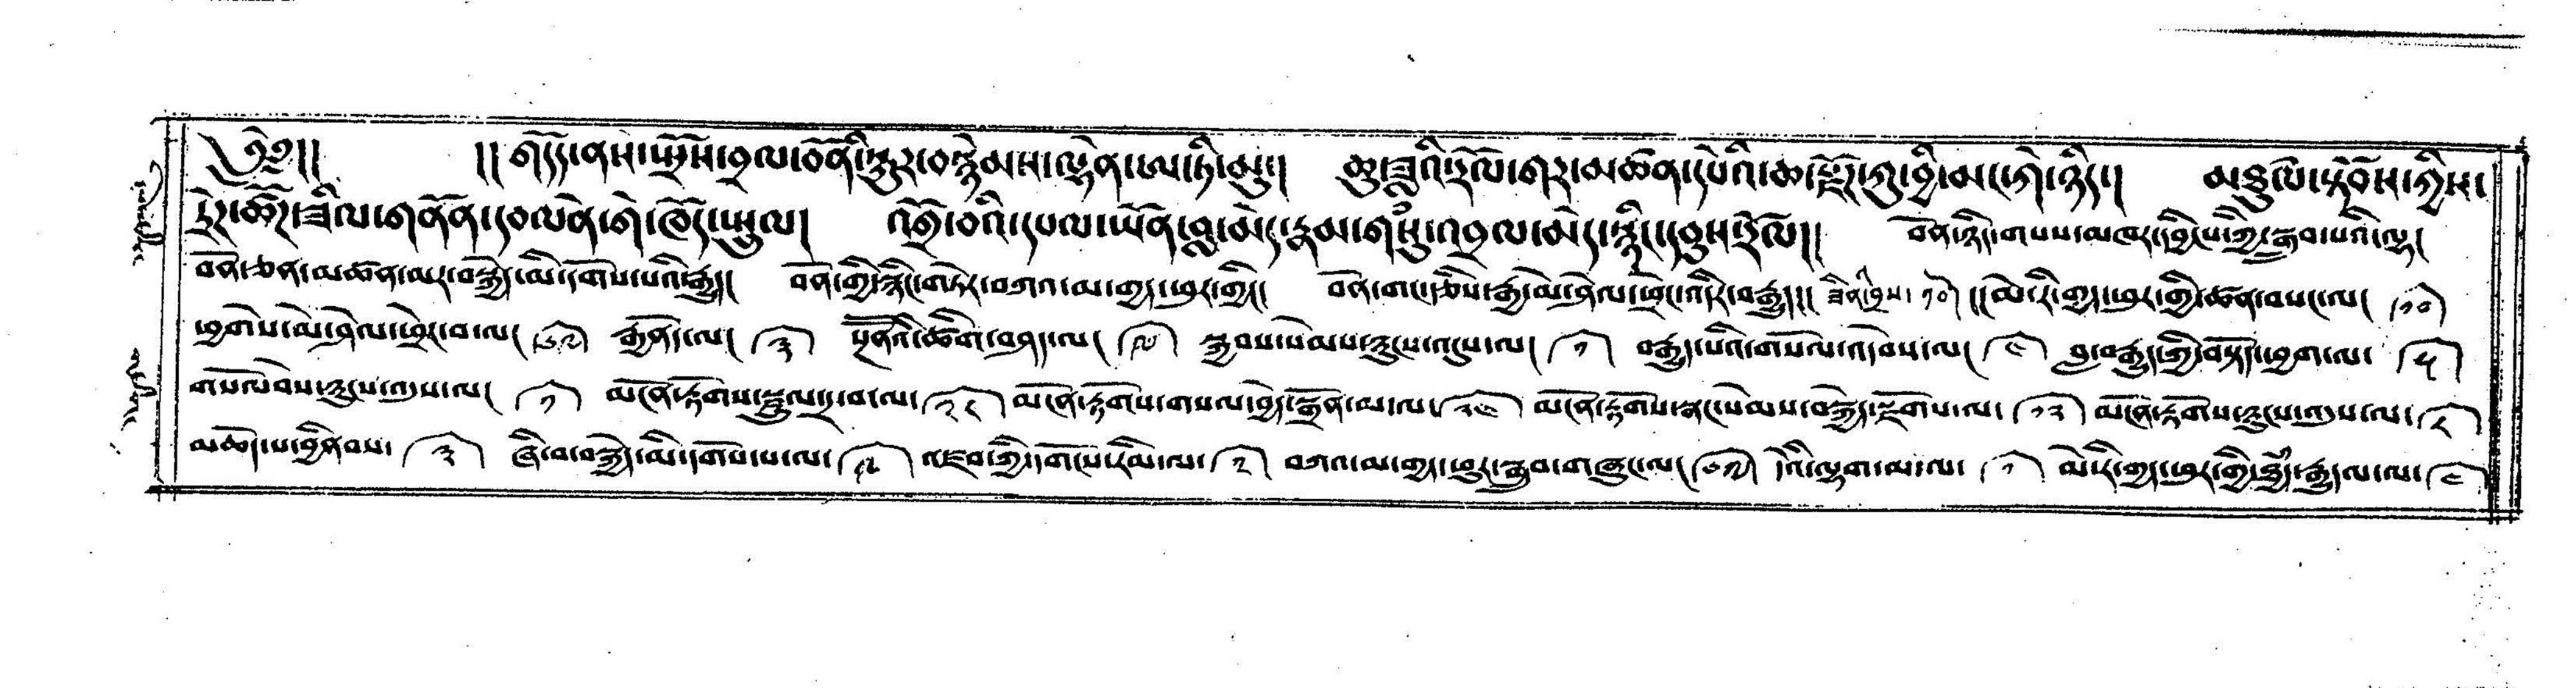༄༅།། །།གདོད་ནས་སྤྲོས་བྲལ་བོན་གྱི་སྐུར་བསྙེམས་ལྷ་ཆེན་ཨ་ཏི་མུ། ཆུ་ཟླའི་རོལ་གར་མཚན་དཔེའི་ཆ་རྫོགས་ཀུ་བྱི་མང་ཀེ་ཉིད། མཐུ་རྩལ་སྟོབས་ཀྱིས་
དྲེགས་ཚོགས་ཟིལ་གནོན་དབལ་ཆེན་གེ་ཁོད་སྤྲུལ། འགྲོ་བའི་དཔལ་ཡོན་བླ་མེད་རྣམ་གསུམ་འབྲལ་མེད་སྙིང་དབུས་རོལ།། བོན་ཉིད་གསས་མཁར་དབྱིངས་ཀྱི་སྒྲུབ་པའི་ལྷ། 
བོན་ཅན་མཚན་མར་བསྐྱེད་མི་དགོས་པའི་རྒྱུད། བོན་གྱི་སྙིང་གཏེར་བཀའ་མ་གྱད་ཕུར་གྱི། བོན་གང་རྩིས་རྒྱ་མེ་ཤེལ་ཕྲེང་འདིར་བརྒྱུད།། ཟིན་བྲིས་ ༼༡༠༽ མེ་རི་གྱད་ཕུར་གྱི་ཚན་བསང་ལ། ༼༡༠༽ 
ཕྱག་བཞེས་མེ་ཤེལ་ཕྲེང་བ་ལ། ༼༦༩༽ རྒྱན་བཀོད་ལ། ༼༣༽ སྔོན་འགྲོའི་ཚིག་བཤད་ལ ༼༩༽ སྐྱབས་སེམས་ཉུངས་འདུས་ལ། ༼༡༽ བརྒྱུད་པའི་གསོལ་འདེབས་ལ། ༼༤༽ བླ་བརྒྱུད་ཀྱི་བསྟོད་ཕྱག་ལ། ༼༨༽ 
གསོལ་འདེབས་ཉུངས་འདུས་ལ། ༼༡༽ མངོན་རྟོགས་རྫུ་འཕྲུལ་དྲ་བ་ལ། ༼༢༨༽ མངོན་རྟོགས་གསལ་བྱེད་སྒྲོན་མ་ལ། ༼༢༤༽ མངོན་རྟོགས་སྣང་སེམས་བསྐྱེད་རྫོགས་ལ། ༼༡༢༽ མངོན་རྟོགས་ཉུངས་འདུས་ལ། ༼༨༽ 
མཆོད་པ་བྱིན་བརླབས ༼༣༽ ཞི་བ་བསྐྱེད་མི་དགོས་པ་ལ། ༼༩༽ འཛབ་ཀྱི་དགོངས་རིམ་ལ། ༼༢༽ བཀའ་མ་གྱད་ཕུར་སྒྲུབ་གཞུང་ལ། ༼༦༧༽ -526]དེའི་ལྷག་མ་ལ། ༼༡༽ མེ་རི་གྱད་ཕུར་གྱི་ཐུགས་དམ་རྒྱུད་བསྐུལ་ལ། ༼༤༽